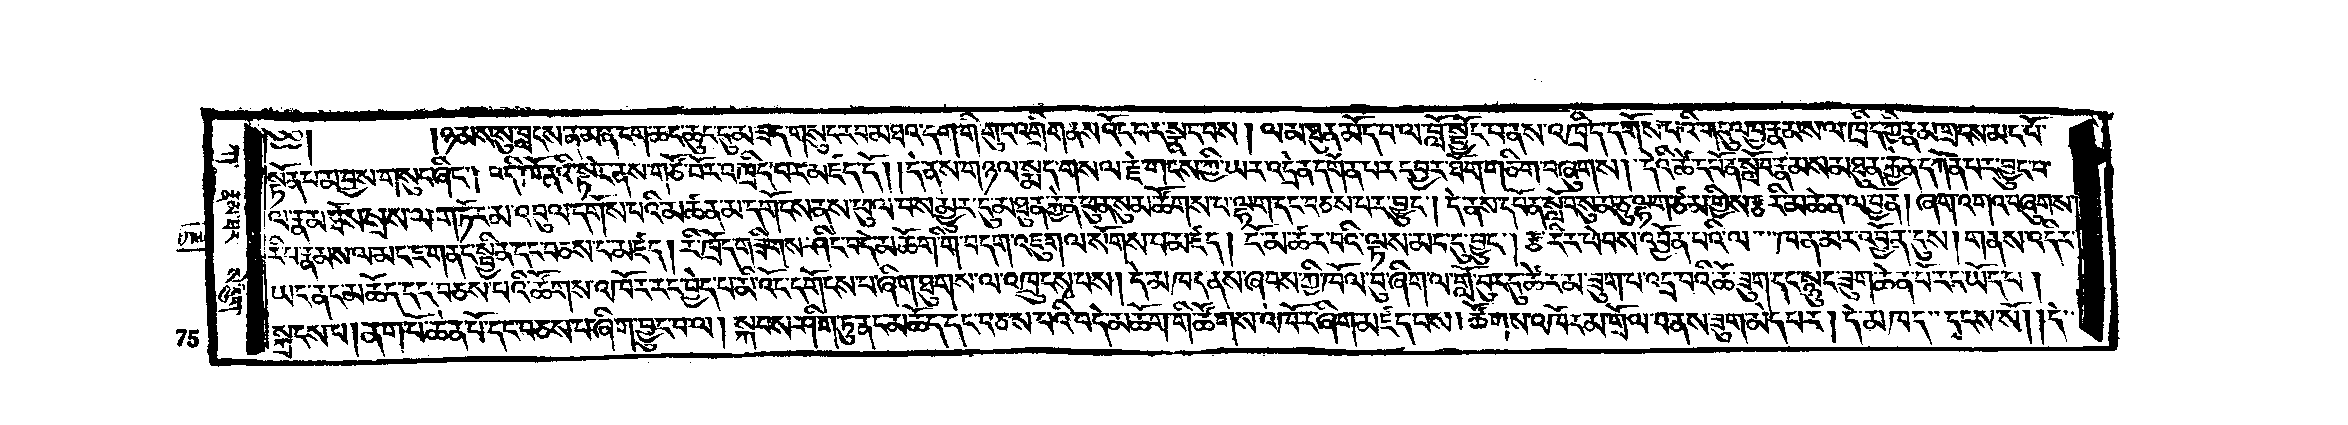༄༅། །ཉམས་སུ་བླངས་ན་མན་ངག་ཆད་ཆུང་དུ་མ་ཟད་གསུང་རབ་མཐའ་དག་གི་གུང་འགྲིག་ནས་འོང་བར་སྣང་བས། ལམ་ཐུན་མོད་པ་ལ་བློ་སྦྱོང་པ་ནས་འཁྲིད་དགོས་པའི་གདུལ་བྱ་རྣམས་ལ་ཁྲིད་ཀྱི་རྣམ་གྲངས་མང་པོ་
སྟོན་པ་མ་བྱས་གསུང་ཞིང་། འདི་ཁོ་ནའི་སྟེར་ནས་གཙོ་བོར་འཁྲིད་བར་མཛད་དོ། །དེ་ནས་གཉལ་སྨད་གསལ་རྗེ་གངས་ཀྱི་ཡར་འདྲེན་དགོན་པར་དབྱར་ཐོག་གཅིག་བཞུགས། དེའི་ཚེ་དཔོན་སློབ་རྣམས་མཐུན་རྐྱེན་དཀོན་པར་བྱུང་བ་
ལ་རྣམ་ཐོས་སྲས་ལ་གཏོར་མ་འབུལ་དགོས་པའི་མཚན་མ་དགོངས་ནས་ཕུལ་བས་མྱུར་དུ་མཐུན་རྐྱེན་ཕུན་སུམ་ཚོགས་པ་ལྷག་དང་བཅས་པར་བྱུང་། དེ་ནས་དཔོན་སློབ་སུམ་ཅུ་ལྷག་ཙམ་གྱིས་རྩ་རི་མ་ཆེན་ལ་བྱོན། ཞག་འགའ་བཞུགས་
རི་པ་རྣམས་ལ་མང་ཇ་གནང་སྦྱིན་དང་བཅས་པ་མཛད། རི་ཁྲོད་གཟིགས་ཤིང་བདེ་མཆོག་གི་བདག་འཇུག་ལ་སོགས་པ་མཛད། ངོ་མ་ཚར་བའི་ལྟས་མང་དུ་བྱུང་། རྩ་རིར་ཕེབས་འབྱོན་པའི་ལ་ཁ་ན་མར་འབྱོན་དུས། གནས་འདིར་
ཡང་ནང་མཆོད་དང་བཅས་པའི་ཚོགས་འཁོར་རང་བྱེད་པ་མི་འོང་དགོངས་པ་ཞིག་ཐུགས་ལ་འཁྲུངས་པས། དེ་མཁད་ནས་ཞབས་ཀྱི་ཁོལ་བུ་ཞིག་ལ་གློ་བུར་དུ་ཚེར་མ་ཟུག་པ་འདྲ་བའི་ཆོ་ཟུག་དང་སྙུང་ཟུག་ཆེན་པོ་རང་ཡོད་པ།
སྐྲངས་པ། ནག་པོ་ཆེན་པོ་དང་བཅས་པ་ཞིག་བྱུང་བ་ལ། སྐབས་ཤིག་ཏུ་ནང་མཆོད་དང་བཅས་པའི་བདེ་མཆོག་གི་ཚོགས་འཁོར་ཞིག་མཛད་པས། ཚོགས་འཁོར་མ་གྲོལ་བ་ནས་ཟུག་མེད་པར། དེ་མཁད་དྭངས་སོ། །དེ་